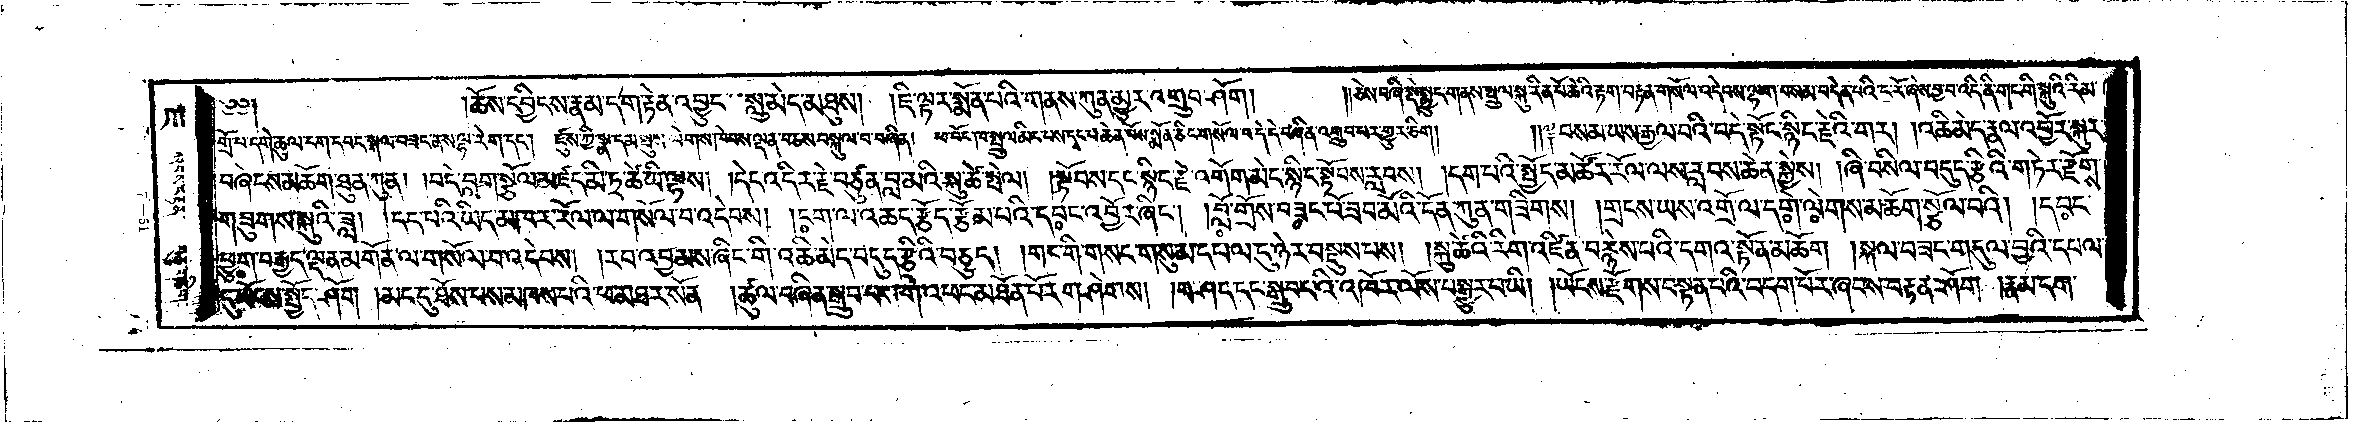༄༅། །ཆོས་དབྱིངས་རྣམ་དག་རྟེན་འབྱུང་བསླུ་མེད་མཐུས། །ཇི་ལྟར་སྨོན་པའི་གནས་ཀུན་མྱུར་འགྲུབ་ཤོག །།ཅེས་བཞི་སྡེ་སྨྱུང་གནས་སྤྲུལ་སྐུ་རིན་པོ་ཆེའི་རྟག་བརྟན་གསོལ་འདེབས་ལྷག་བསམ་བདེན་པའི་ང་རོ་ཞེས་བྱ་བ་འདི་ནི་གང་གི་སྐུའི་རིམ།
གྲོ་པ་དགེ་ཚུལ་ངག་དབང་སྐལ་བཟང་ནས་ལྷ་རེག་དང་། ཛུས་ཀྱི་སྣ་དམ་སྦུས་ལེགས་ཁེབས་ལྡན་བཅས་བསྐུལ་བ་བཞིན། ཕ་བོང་ཁ་སྤྲུལ་མིང་པས་དྭང་བ་ཆེན་བོས་སྨོན་ཅིང་གསོལ་བ་དེ་དེ་བཞིན་འགྲུབ་པར་གྱུར་ཅིག ། །། ༈ བསམ་ཡས་རྒྱལ་བའི་བདེ་སྟོང་སྙིང་རྗེའི་གར། །འཆི་མེད་རྣལ་འབྱོར་སྐུར་
བཞེངས་མཆོག་ཐུན་ཀུན། །བདེ་བླག་སྩོལ་མཛད་མི་ཏྲ་ཚེ་ཡི་ལྷས། །དེང་འདིར་རྗེ་བཙུན་བླ་མའི་སྐུ་ཚེ་སྤེལ། །སྟོབས་དང་སྙིང་རྗེ་འགོག་མེད་སྙིང་སྟོབས་རླབས། །དག་པའི་སྤྱོད་མཚོར་རོལ་ལས་རླབས་ཆེན་སྐྱེས། །ཞི་བསིལ་བདུད་རྩིའི་གཏེར་རྫོགས་
གཟུགས་སྐུའི་ཟླ། །དད་པའི་ཡིད་མཁར་རོལ་ལ་གསོལ་བ་འདེབས། །ངག་ལ་འཆད་རྩོད་རྩོམ་པའི་དབང་འབྱོར་ཞིང་། །བློ་གྲོས་བཟང་པོ་ཟབ་མོའི་དོན་ཀུན་གཟིགས། །གྲངས་ཡས་འགྲོ་ལ་དགེ་ལེགས་མཆོག་སྩོལ་བའི། །དབང་
ཕྱུག་བརྒྱད་ལྡན་མགོན་ལ་གསོལ་བ་འདེབས། །རབ་འབྱམས་ཞིང་གི་འཆི་མེད་བདུད་རྩིའི་བཅུད། །གང་གི་གསང་གསུམ་དཔལ་དུ་ཉེར་བསྡུས་པས། །སྐུ་ཚེའི་རིག་འཛིན་བརྙེས་པའི་དགའ་སྟོན་མཆོག །སྐལ་བཟང་གདུལ་བྱའི་དཔལ་
དུ་ཡོངས་སྤྱོད་ཤོག །མང་དུ་ཐོས་པས་མཁས་པའི་ཕ་མཐར་སོན། །ཆུལ་བཞིན་སྒྲུབ་པས་གོ་འཕང་མཐོན་པོར་གཤེགས། །བཤད་དང་སྒྲུབ་པའི་འཁོར་ལོས་བསྒྱུར་བ་ཡི། །ཡོངས་རྫོགས་བསྟན་པའི་བདག་པོར་ཞབས་བརྟན་ཤོག །རྣམ་དག་